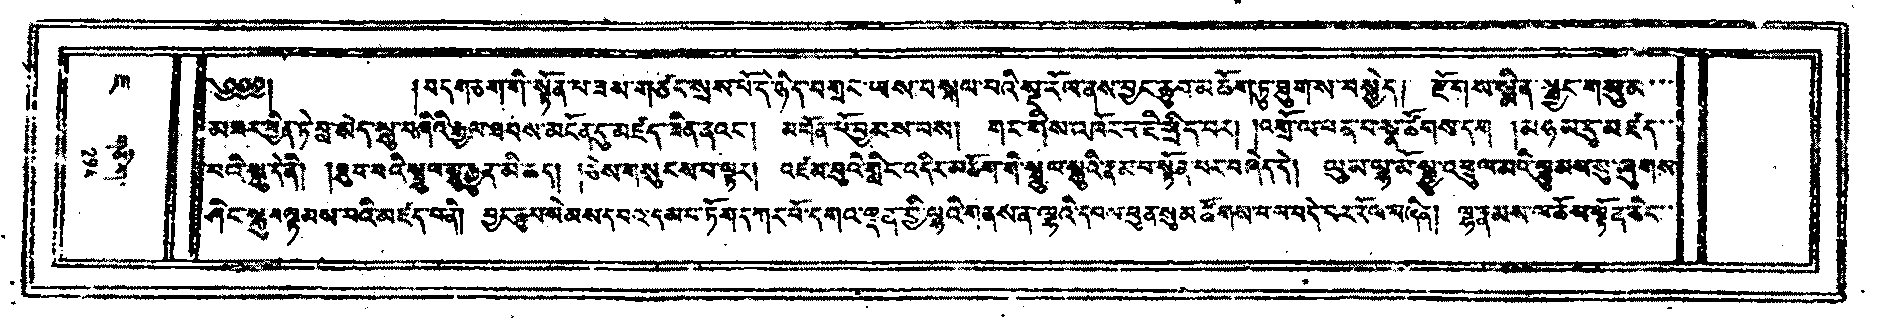༄༅༅། །བདག་ཅག་གི་སྟོན་པ་ཟས་གཙང་སྲས་པོ་དེ་ཉིད་བགྲང་ཡས་བསྐལ་པའི་སྔ་རོལ་ནས་བྱང་ཆུབ་མཆོག་ཏུ་ཐུགས་བསྐྱེད། རྫོགས་སྨིན་སྦྱང་གསུམ་
མཐར་ཕྱིན་ཏེ་བླ་མེད་སྐུ་བཞིའི་རྒྱལ་ཐབས་མངོན་དུ་མཛད་ཟིན་ནའང་། མགོན་པོ་བྱམས་པས། གང་གིས་འཁོར་བ་ཇི་སྲིད་པར། །འགྲོ་ལ་ཕན་པ་སྣ་ཚོགས་དག །མཉམ་དུ་མཛད་
པའི་སྐུ་དེ་ནི། །ཐུབ་པའི་སྤྲུལ་སྐུ་རྒྱུན་མི་ཆད། །ཅེས་གསུངས་པ་ལྟར། འཛམ་བུའི་གླིང་འདིར་མཆོག་གི་སྤྲུལ་སྐུའི་རྣམ་པ་སྟོན་པར་བཞེད་དེ། ཡུམ་ལྷ་མོ་སྒྱུ་འཕྲུལ་མའི་ལྷུམས་སུ་ཞུགས་
ཤིང་སྐུ་བལྟམས་པའི་མཛད་པ་ནི། བྱང་ཆུབ་སེམས་དཔའ་དམ་པ་ཏོག་དཀར་པོ་དགའ་ལྡན་གྱི་ལྷའི་གནས་ན་ལྷའི་དཔལ་ཕུན་སུམ་ཚོགས་པ་ལ་བདེ་བར་རོལ་བཞིན། ལྷ་རྣམས་ལ་ཆོས་སྟོན་ཅིང་